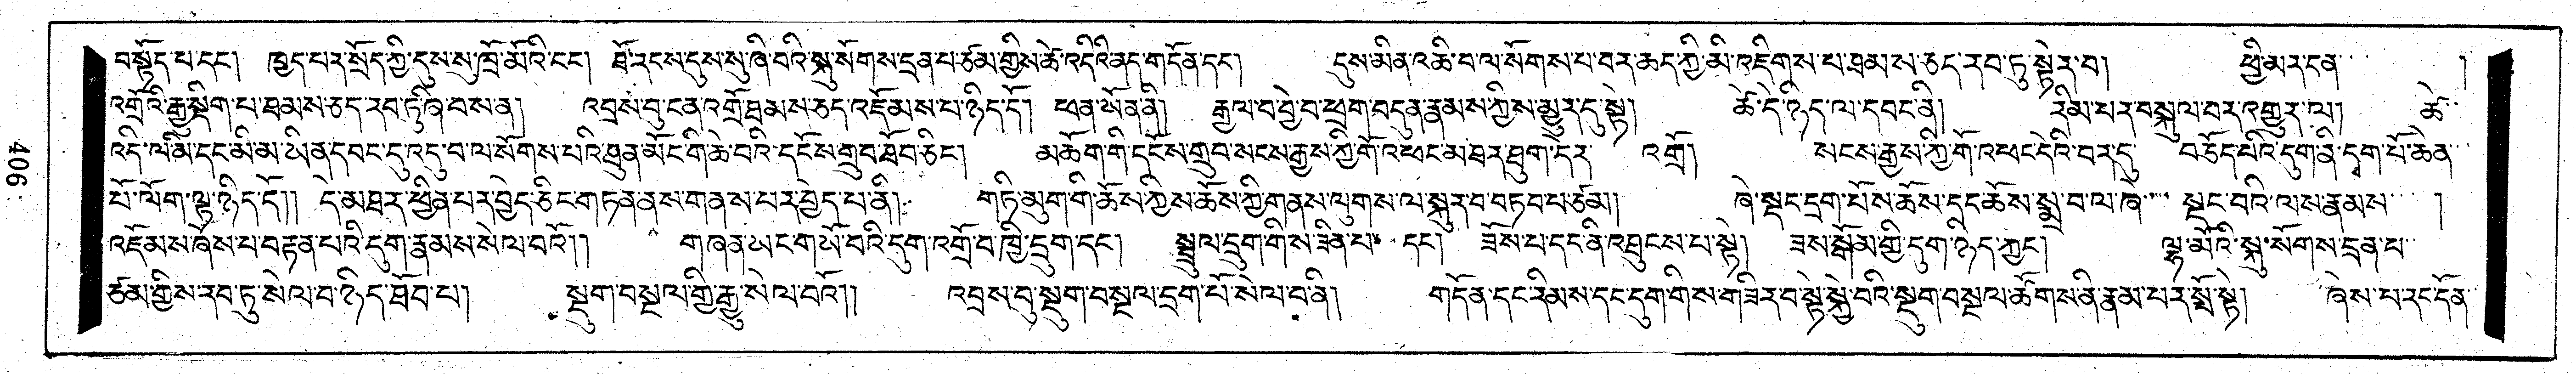བསྟོད་པ་དང་། ཁྱད་པར་སྲོད་ཀྱི་དུས་སུ་ཁྲོ་མོའི་ངང་། ཐོ་རངས་དུས་སུ་ཞི་བའི་སྐུ་སོགས་དྲན་པ་ཙམ་གྱིས་ཚེ་འདིའི་ནད་གདོན་དང་། དུས་མིན་འཆི་བ་ལ་སོགས་པ་བར་ཆད་ཀྱི་མི་འཇིགས་པ་ཐམས་ཅད་རབ་ཏུ་སྟེར་བ། ཕྱི་མར་ངན་།
འགྲོའི་རྒྱུ་སྡིག་པ་ཐམས་ཅད་རབ་ཏུ་ཞི་བས་ན། འབྲས་བུ་ངན་འགྲོ་ཐམས་ཅད་འཇོམས་པ་ཉིད་དོ། ཕན་ཡོན་ནི། རྒྱལ་བ་བྱེ་བ་ཕྲག་བདུན་རྣམས་ཀྱིས་མྱུར་དུ་སྟེ། ཚེ་དེ་ཉིད་ལ་དབང་ནི། རིམ་པར་བསྐུལ་བར་འགྱུར་ལ། ཚེ་
འདི་ལ་མི་དང་མི་མ་ཡིན་དབང་དུ་འདུ་བ་ལ་སོགས་པའི་ཐུན་མོང་གི་ཆེ་བའི་དངོས་གྲུབ་ཐོབ་ཅིང་། མཆོག་གི་དངོས་གྲུབ་སངས་རྒྱས་ཀྱི་གོ་འཕང་མཐར་ཐུག་དེར་འགྲོ། སངས་རྒྱས་ཀྱི་གོ་འཕང་དེའི་བར་དུ་བཅོད་པའི་དུག་ནི་དྭག་པོ་ཆེན་
པོ་ལོག་ལྟ་ཉིད་དོ།། དེ་མཐར་ཕྱིན་པར་བྱེད་ཅིང་གཏན་ནས་གནས་པར་བྱེད་པ་ནི། གཏི་མུག་གི་ཆོས་ཀྱིས་ཆོས་ཀྱི་གནས་ལུགས་ལ་སྐུར་བ་བཏབ་པ་ཙམ། ཞེ་སྡང་དྲག་པོས་ཆོས་དང་ཆོས་སྨྲ་བ་ལ་ཞེ་སྡང་བའི་ལས་རྣམས་།
འཇོམས་ཞེས་པ་བརྟན་པའི་དུག་རྣམས་སེལ་བའོ།། གཞན་ཡང་གཡོ་བའི་དུག་འགྲོ་བ་ཁྱི་དྲུག་དང་། སྦྲུལ་དྲུག་གིས་ཟིན་པ་དང་། ཟོས་པ་དང་ནི་འཐུངས་པ་སྟེ། ཟས་སྒོམ་གྱི་དུག་ཉིད་ཀྱང་། ལྷ་མོའི་སྐུ་སོགས་དྲན་པ་
ཙམ་གྱིས་རབ་ཏུ་སེལ་བ་ཉིད་ཐོབ་པ། སྡུག་བསྔལ་གྱི་རྒྱུ་སེལ་བའོ།། འབྲས་བུ་སྡུག་བསྔལ་དྲག་པོ་སེལ་བ་ནི། གདོན་དང་རིམས་དང་དུག་གིས་གཟིར་བ་སྟེ་སྐྱེ་བའི་སྡུག་བསྔལ་ཚོགས་ནི་རྣམ་པར་སྤོ་སྟེ། ཞེས་པ་རང་དོན་